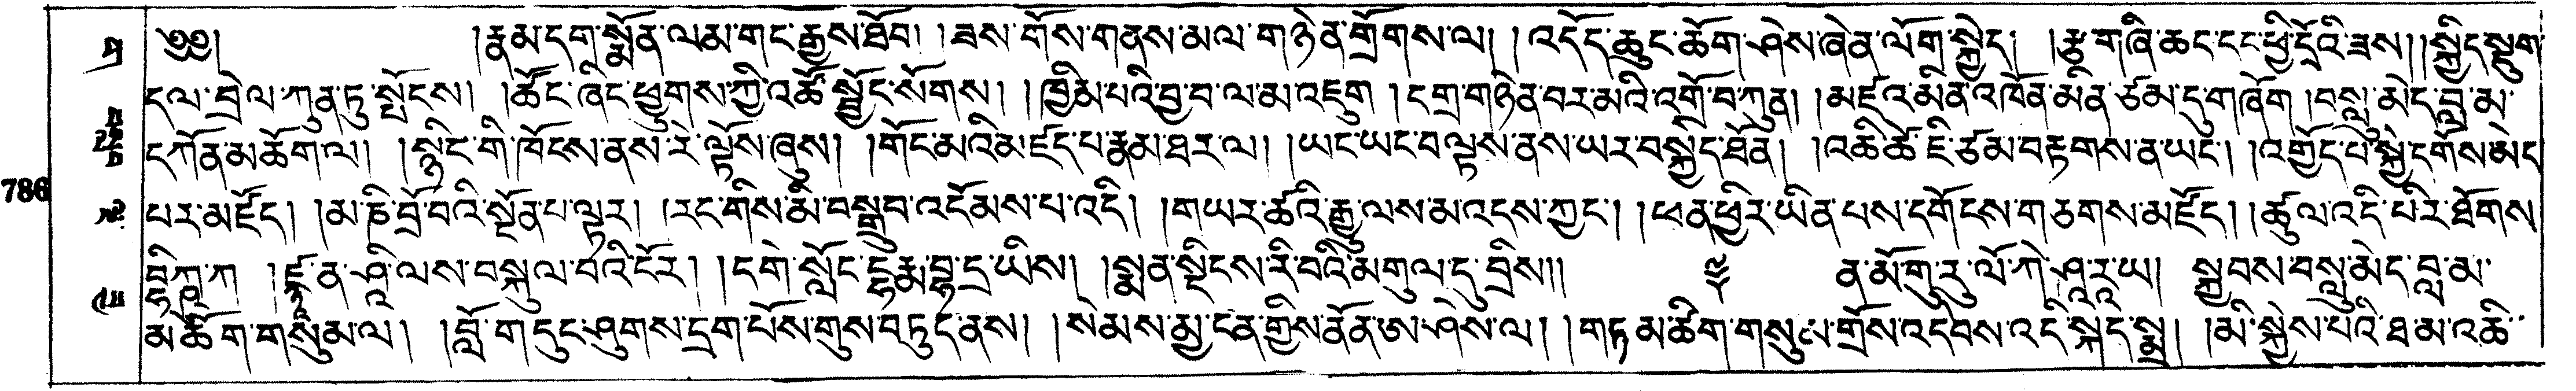༄༅། །རྣམ་དག་སྨོན་ལམ་གང་རྒྱས་ཐོབ། །ཟས་གོས་གནས་མལ་གཉེན་གྲོགས་ལ། །འདོད་ཆུང་ཆོག་ཤེས་ཞེན་ལོག་སྐྱེད། །རྩ་གཞི་ཆང་དང་ཕྱི་དྲོའི་ཟས། །སྐྱིད་སྡུག་
དལ་བྲེལ་ཀུན་ཏུ་སྤོངས། །ཚོང་ཞིང་ཕྱུགས་ཀྱི་འཚོ་སྦྱོང་སོགས། །ཁྱིམ་པའི་བྱ་བ་ལ་མ་འཇུག །དགྲ་གཉེན་བར་མའི་འགྲོ་བ་ཀུན། །མཛའ་མིན་འཁོན་མིན་ཙམ་དུ་གཞོག །བསླུ་མེད་བླ་མ་
དཀོན་མཆོག་ལ། །སྙིང་གི་ཁོངས་ནས་རེ་ལྟོས་ཞུས། །གོང་མའི་མཛད་པ་རྣམ་ཐར་ལ། །ཡང་ཡང་བལྟས་ནས་ཡར་བསྐྱེད་ཐོན། །འཆི་ཚེ་ཇི་ཙམ་བརྟགས་ན་ཡང་། །འགྱོད་པ་སྐྱེ་དགོས་མེད་
པར་མཛོད། །མ་ཎི་བྲོ་བའི་སྔོན་པ་ལྟར། །རང་གིས་མི་བསྒྲུབ་འདོམས་པ་འདི། །གཡར་ཚའི་རྒྱུ་ལས་མ་འདས་ཀྱང་། །ཕན་ཕྱིར་ཡིན་པས་དགོངས་གཅགས་མཛོད། །ཚུལ་འདི་པིར་ཐོགས་
བྷིཀྵ་ཀ །ཛྙཱ་ན་ཤཱི་ལས་བསྐུལ་བའི་ངོར། །དགེ་སློང་དྷརྨ་བྷ་དྲ་ཡིས། །སྨན་སྡིངས་རི་བའི་མགུལ་དུ་བྲིས།། ༈ ན་མོ་གུ་རུ་ལོ་ཀེ་ཤཱ་རཱ་ཡ། སྐྱབས་བསླུ་མེད་བླ་མ་
མཆོག་གསུམ་ལ། །བློ་གདུང་ཤུགས་དྲག་པོས་གུས་བཏུད་ནས། །སེམས་མྱ་ངན་གྱིས་ནོན་ཨ་ཤེས་ལ། །གཏམ་ཚིག་གསུམ་གྲོས་འདེབས་འདི་སྐད་སྨྲ། །མི་སྐྱེས་པའི་ཐ་མ་འཆི་